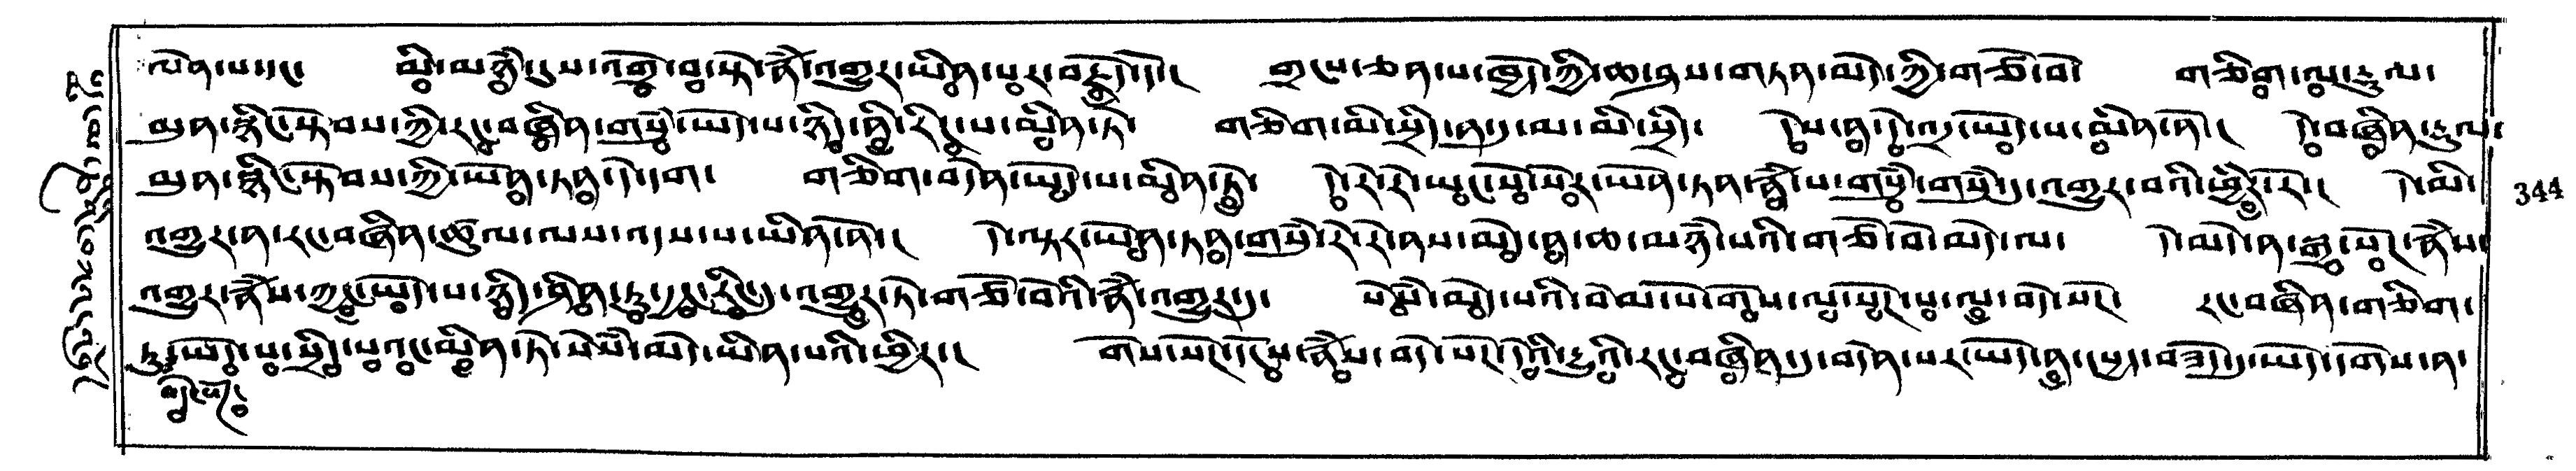ལེན་པ་དང་།མི་མཉམ་དུས་འགྲོ་བ་སྟེ་རྣམ་འགྱུར་ཡིན་པར་བརྗོད་དོ།། གྲངས་ཅན་པ་ཁྱོད་ཀྱི་ཆ་ཤས་གཏན་མེད་ཀྱི་གཙོ་བོ་ གཅིག་ལ་རྡུལ་
མུན་སྙིང་སྟོབས་ཀྱི་རང་བཞིན་གསུམ་ཡོད་པ་ཉིད་ནི་རིགས་པ་མིན་ཏེ། གཅིག་མི་སྲིད་ན་དུ་མ་མི་སྲིད། དེས་ན་དེ་འདྲ་ཡོད་པ་མིན་ནོ།། དེ་བཞིན་རྡུལ་
མུན་སྙིང་སྟོབས་ཀྱི་ཡོན་ཏན་དེ་དག་གཅིག་བདེན་ཡོད་པ་མིན་ཏེ། དེ་རེ་རེ་ཡང་སོ་སོར་ཡོན་ཏན་རྣམ་པ་གསུམ་གསུམ་དུ་འགྱུར་བའི་ཕྱིར་རོ།། དེ་མི་
འགྱུར་ན་རང་བཞིན་ཚུལ་ལས་འདས་པ་ཡིན་ནོ།། དེ་ལྟར་ཡོན་ཏན་གསུམ་རེ་རེ་ནས་མེད་ན་ཆ་མཉམ་པའི་གཙོ་བོ་མེད་ལ། དེ་མེད་ན་སྒྲ་སོགས་རྣམ་
འགྱུར་རྣམས་ཀྱང་ཡོད་པ་ཉིད་ཤིན་ཏུ་རྒྱང་རིང་དུ་འགྱུར་ཏེ་གཙོ་བོའི་རྣམ་འགྱུར་དུ། སེམས་མེད་པའི་བེམ་པོ་གོས་ལ་སོགས་པ་ལ་བདེ་སོགས་རང་བཞིན་གཅིག་
ཏུ་བདེ་སོགས་ཡོད་པ་སྲིད་པའང་མིན་ཏེ་སེམས་མེད་ཡིན་པའི་ཕྱིར། གོས་སོགས་དངོས་རྣམས་བདེ་སོགས་དེའི་རྒྱུའི་རང་བཞིན་དུ་བདེན་པར་ཡོད་ན་དཔྱད་བཟོད་དུ་ཡོད་དགོས་ན་
བདེ་སོགས་